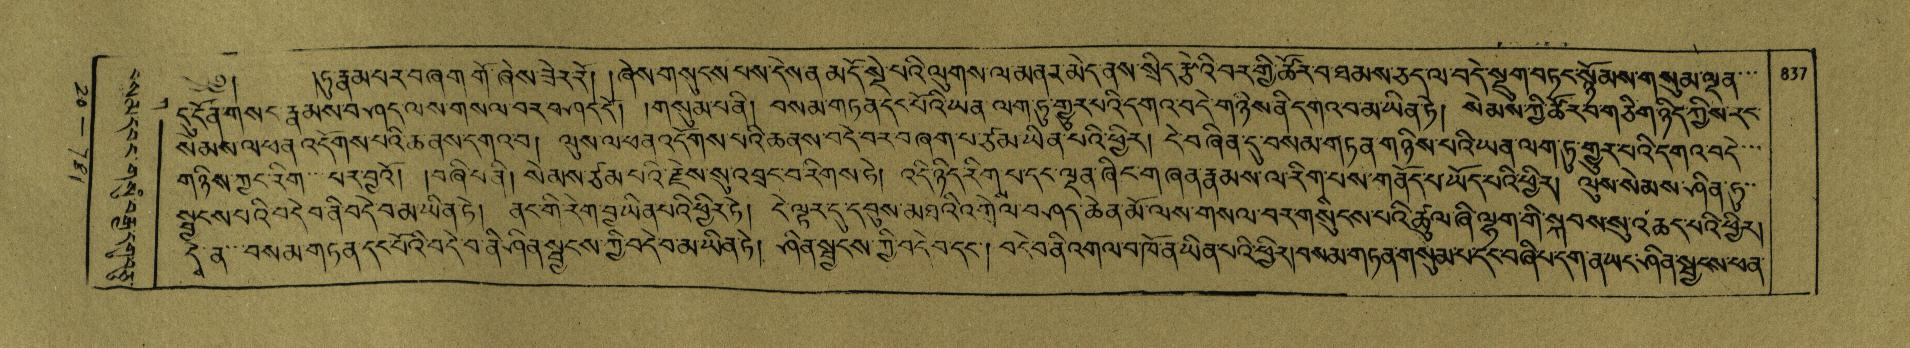༄༅། །ཏུ་རྣམ་པར་བཞག་གོ་ཞེས་ཟེར་རོ། །ཞེས་གསུངས་པས་དེས་ན་མདོ་སྡེ་པའི་ལུགས་ལ་མནར་མེད་ནས་སྲིད་རྩེའི་བར་གྱི་ཚོར་བ་ཐམས་ཅད་ལ་བདེ་སྡུག་བཏང་སྙོམས་གསུམ་ལྡན་
དུ་ངོན་གསང་རྣམས་བཤད་ལས་གསལ་བར་བཤད་དོ། །གསུམ་པ་ནི། བསམ་གཏན་དང་པོའི་ཡན་ལག་ཏུ་གྱུར་པའི་དགའ་བ་བདེ་གཉིས་ནི་དགའ་བ་མ་ཡིན་ཏེ། སེམས་ཀྱི་ཚོར་བ་གཅིག་ཉིད་ཀྱིས་རང་
སེམས་ལ་ཕན་འདོགས་པའི་ཆ་ནས་དགའ་བ། ལུས་ལ་ཕན་འདོགས་པའི་ཆ་ནས་བདེ་བར་བཞག་པ་ཙམ་ཡིན་པའི་ཕྱིར། དེ་བཞིན་དུ་བསམ་གཏན་གཉིས་པའི་ཡན་ལག་ཏུ་གྱུར་པའི་དགའ་བདེ་
གཉིས་ཀྱང་རིག་པར་བྱའོ། །བཞི་པ་ནི། སེམས་ཙམ་པའི་རྗེས་སུ་འབྲང་བ་རིགས་ཏེ། འདི་ཉིད་རིགས་པ་དང་ལྡན་ཞིང་གཞན་རྣམས་ལ་རིག་པས་གནོད་པ་ཡོད་པའི་ཕྱིར། ལུས་སེམས་ཤིན་ཏུ་
སྦྱངས་པའི་བདེ་བ་ནི་བདེ་བ་མ་ཡིན་ཏེ། ནང་གི་རེག་བྱ་ཡིན་པའི་ཕྱིར་ཏེ། དེ་ལྟར་དུ་དབུས་མཐའི་འགྲེལ་བཤད་ཆེན་མོ་ལས་གསལ་བར་གསུངས་པའི་ཚུལ་ཞི་ལྷག་གི་སྐབས་སུ་འཆད་པའི་ཕྱིར།
དེས་ན་བསམ་གཏན་དང་པོའི་བདེ་བ་ནི་ཤིན་སྦྱངས་ཀྱི་བདེ་བ་མ་ཡིན་ཏེ། ཤིན་སྦྱངས་ཀྱི་བདེ་བ་དང་། བདེ་བ་ནི་འགལ་བ་ཁོ་ན་ཡིན་པའི་ཕྱིར། བསམ་གཏན་གསུམ་པ་དང་བཞི་པ་དག་ན་ཡང་ཤིན་སྦྱངས་ཕན་